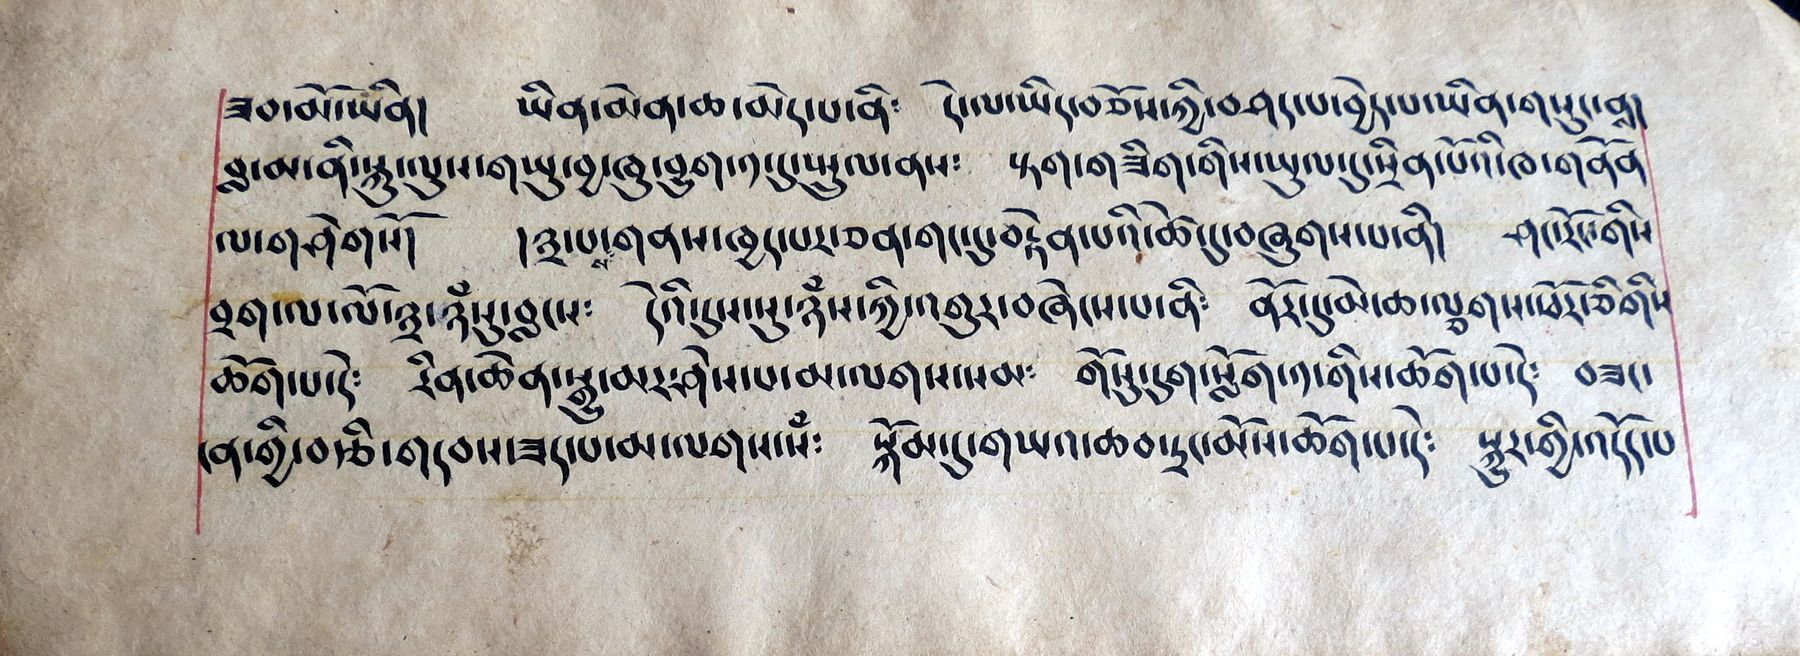ཟབ་མོ་ཀུན་ཡིན། ཡིན་མིན་ཆ་མེད་པ་ནི། དེ་ལ་ཡིད་བཅོས་ཀྱིས་བཤད་པ་བྱེད་པ་ཡིན་གསུངས་ནས། 
བླ་མ་ནི་སྐུ་ལུས་གཡུ་བྱ་ཁུ་བྱུག་ཅིག་ཏུ་སྤྲུལ་ནས། སྟག་གཟིག་གི་ཡུལ་དུ་སྲིན་པོའི་ཁ་གནོན་
ལ་གཤེགས་སོ། །གསུམ་པ་ས་གནས་ཁྱད་པར་ཅན་གང་དུ་བརྟེན་པའི་ཚེ་དུ་བཞུགས་པ་ནི། ཤང་རོང་གི་
བྲག་ལ་ལོ་གསུམ་ཉམས་སུ་བླངས། དེའི་དུས་སུ་ཉམས་གྱི་འགུར་བཞེངས་པ་ནི། ནོར་དུ་མེ་ཆ་ལྕགས་ཕོར་གཅིག་གིས་
ཆོག་པ་དེ། རིན་ཆེན་སྒྱུ་མར་ཤེས་པ་མ་ལགས་སམ། གོས་སུ་དུག་སློག་གཅིག་གིས་ཆོག་པ་དེ། བཟང་
ངན་གྱི་རྩིས་གདབ་ཟད་པ་མ་ལགས་སམ། སྐོམ་དུ་གཡའ་ཆབ་གྲང་མོས་ཆོག་པ་དེ། སྐྱུར་གྱི་འདོད་པ་